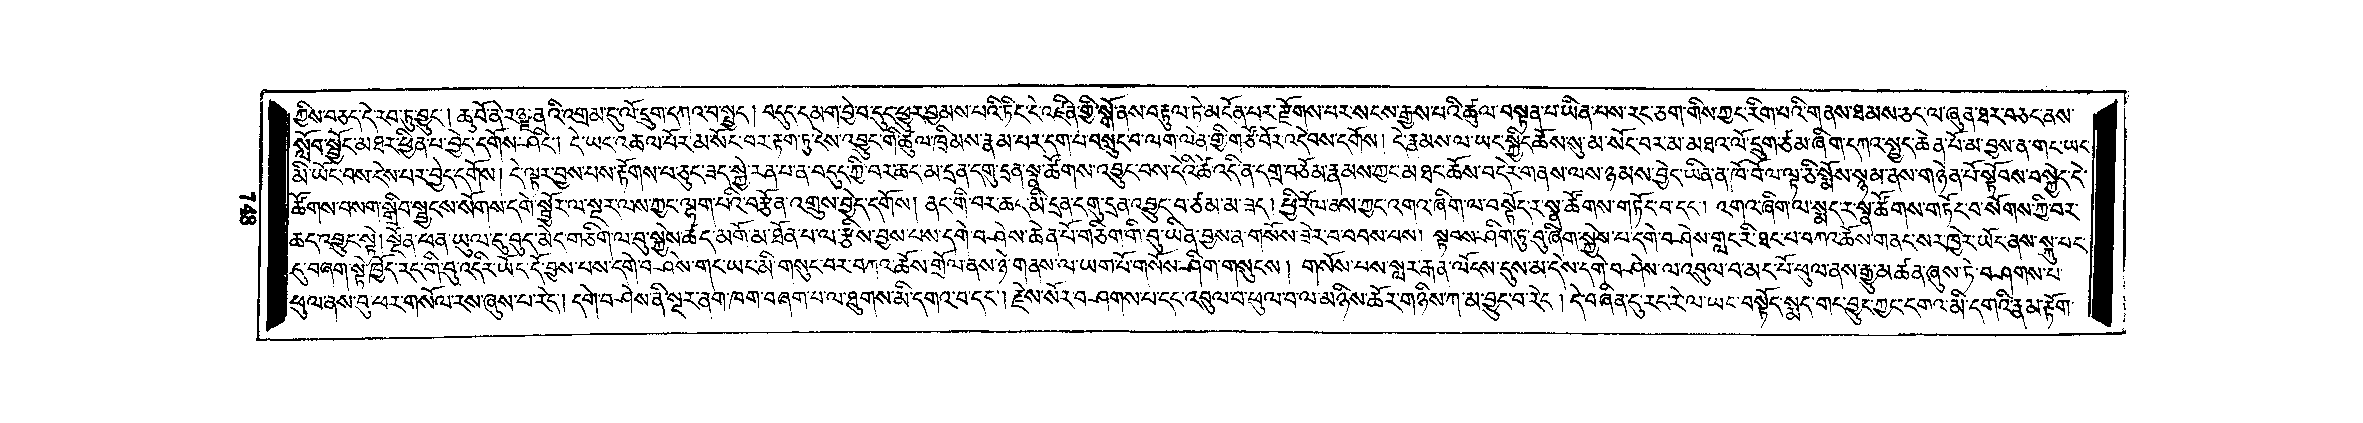ཀྱིས་བཅད་དེ་རབ་ཏུ་བྱུང་། ཆུ་བོ་ནེ་རྙྫ་ནའི་འགྲམ་དུ་ལོ་དྲུག་དཀའ་བ་སྤྱད། བདུད་དམག་བྱེ་བ་དུང་ཕྱུར་བྱམས་པའི་ཏིང་ངེ་འཛིན་གྱི་སྒོ་ནས་བརྟུལ་ཏེ་མངོན་པར་རྫོགས་པར་སངས་རྒྱས་པའི་ཚུལ་བསྟན་པ་ཡིན་པས་རང་ཅག་གིས་ཀྱང་རིག་པའི་གནས་ཐམས་ཅད་ལ་ཞུན་ཐར་བཅད་ནས་
སློབ་སྦྱོང་མཐར་ཕྱིན་པ་བྱེད་དགོས་ཤིང་། དེ་ཡང་འཆལ་པོར་མ་སོང་བར་རྟག་ཏུ་ངེས་འབྱུང་གི་ཚུལ་ཁྲིམས་རྣམ་པར་དག་པ་བསྲུང་བ་ལག་ལེན་གྱི་གཙོ་བོར་འདེབས་དགོས། དེ་རྣམས་ལ་ཡང་སྐྱིད་ཆོས་སུ་མ་སོང་བར་མ་མཐའ་ལོ་དྲུག་ཙམ་ཞིག་དཀའ་སྤྱད་ཆེན་པོ་མ་བྱས་ན་གང་ཡང་
མི་ཡོང་བས་ངེས་པར་བྱེད་དགོས། དེ་ལྟར་བྱས་པས་རྟོགས་པ་ཅུང་ཟད་སྐྱེ་རན་པ་ན་བདུད་ཀྱི་བར་ཆད་མ་དྲན་དགུ་དྲན་སྣ་ཚོགས་འབྱུང་བས་དེའི་ཚེ་འདི་ན་དགྲ་བཅོམ་རྣམས་ཀྱང་མཐང་ཆོས་བདེར་གནས་ལས་ཉམས་བྱེད་ཡིན་ན་ཁོ་བོ་ལ་ལྟ་ཅི་སྨོས་སྙམ་ནས་གཉེན་པོ་སྟོབས་བསྐྱེད་དེ་
ཚོགས་བསག་སྒྲིབ་སྦྱང་སོགས་དགེ་སྦྱོར་ལ་སྔར་ལས་ཀྱང་ལྷག་པའི་བརྩོན་འགྲུས་བྱེད་དགོས། ནང་གི་བར་ཆད་མི་དྲན་དགུ་དྲན་འབྱུང་བ་ཙམ་མ་ཟད། ཕྱི་རོལ་ནས་ཀྱང་འགའ་ཞིག་ལ་བསྟོད་ར་སྣ་ཚོགས་གཏོང་བ་དང་། འགའ་ཞིག་ལ་སྨད་ར་སྣ་ཚོགས་གཏོང་བ་སོགས་ཀྱི་བར་
ཆད་འབྱུང་སྟེ། སྔོན་ཕན་ཡུལ་དུ་བུད་མེད་གཅིག་ལ་བུ་སྐྱེས་ཚད་མགོ་མ་ཐོན་པ་ལ་རྩིས་བྱས་པས་དགེ་བཤེས་ཆེན་པོ་གཅིག་གི་བུ་ཡིན་བྱས་ན་གསོས་ཟེར་བ་བབས་པས། སྟབས་ཤིན་ཏུ་བུ་ཞིག་སྐྱེས་པ་དགེ་བཤེས་གླང་རི་ཐང་པ་བཀའ་ཆོས་གནང་སར་ཁྱེར་ཡོང་ནས་སྐུ་པང་
དུ་བཞག་སྟེ་ཁྱོད་རང་གི་བུ་འདིར་ཡོད་དོ་བྱས་པས་དགེ་བཤེས་གང་ཡང་མི་གསུང་བར་བཀའ་ཆོས་གྲོལ་ནས་ཉེ་གནས་ལ་ཡག་པོ་གསོས་ཤིག་གསུངས། གསོས་པས་སླར་རྒན་ལོངས་དུས་མ་དེས་དགེ་བཤེས་ལ་འབུལ་བ་མང་པོ་ཕུལ་ནས་རྒྱུ་མཚན་ཞུས་ཏེ་བཤགས་པ་
ཕུལ་ནས་བུ་ཕར་གསོལ་རས་ཞུས་པ་རེད། དགེ་བཤེས་ནི་སྔར་ནག་ཁག་བཞག་པ་ལ་ཐུགས་མི་དགའ་བ་དང་། རྗེས་སོར་བཤགས་པ་དང་འབུལ་བ་ཕུལ་བ་ལ་མཉིས་ཆོར་གཉིས་ཀ་མ་བྱུང་བ་རེད། དེ་བཞིན་དུ་རང་རེ་ལ་ཡང་བསྟོད་སྨད་གང་བྱུང་ཀྱང་དགའ་མི་དགའི་རྣམ་རྟོག་